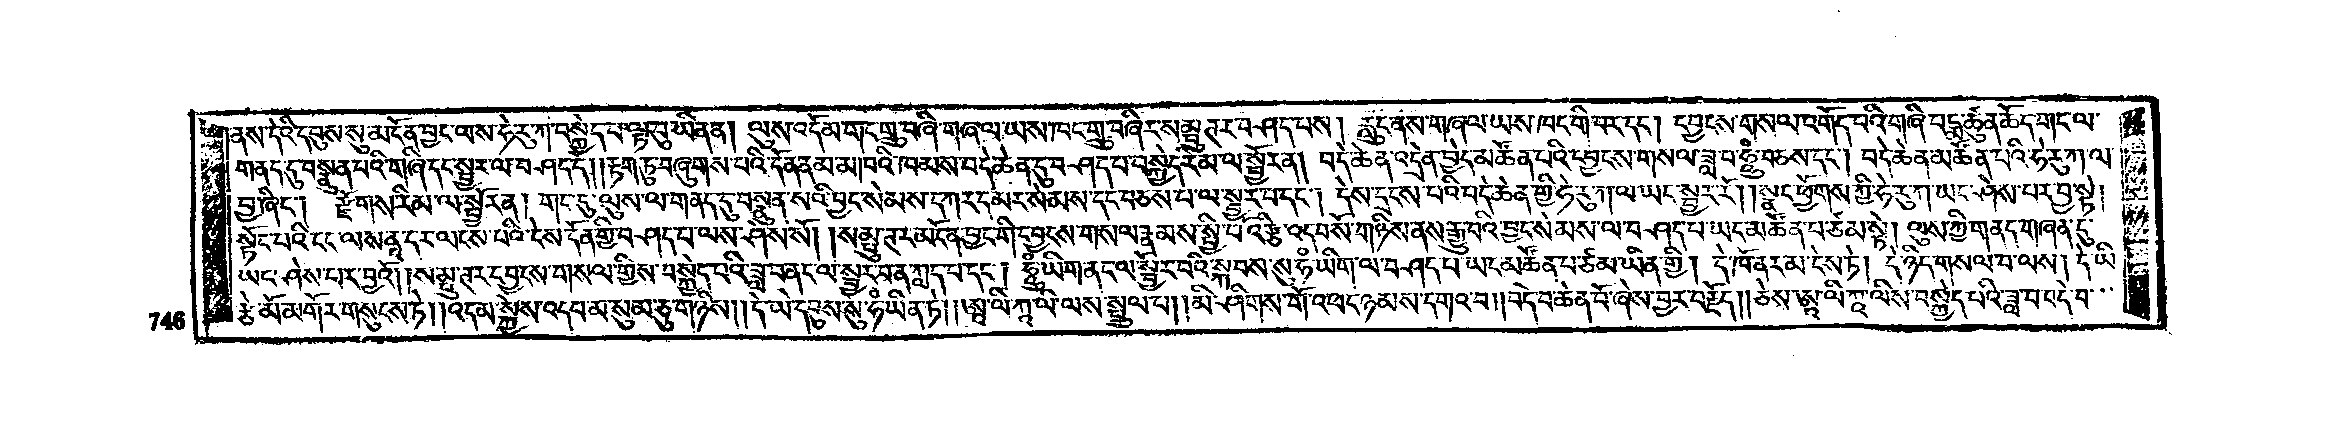ནས་དེའི་དབུས་སུ་མངོན་བྱང་ལས་ཧེ་རུ་ཀ་བསྐྱེད་པ་ལྟ་བུ་ཡིན་ན། ལུས་འདོམ་གང་གྲུ་བཞི་གཞལ་ཡས་ཁང་གྲུ་བཞིར་སམྤུ་ཊར་བཤད་པས། རླུང་ནས་གཞལ་ཡས་ཁང་གི་བར་དང་། དབྱངས་གསལ་འགོད་པའི་གཞི་པདམ་ཚུན་ཆོད་གང་ལ་
གནད་དུ་བསྣུན་པའི་གཞི་དང་སྦྱར་ལ་བཤད་དེ། །རྟག་ཏུ་བཞུགས་པའི་དོན་ནམ་མཁའི་ཁམས་བདེ་ཆེན་དུ་བཤད་པ་བསྐྱེད་རིམ་ལ་སྦྱོར་ན། བདེ་ཆེན་འདྲེན་བྱེད་མཚོན་པའི་དབྱངས་གསལ་ཟླ་བ་ཧཱུཾ་བཅས་དང་། བདེ་ཆེན་མཚོན་པའི་ཧེ་རུ་ཀ་ལ་
བྱ་ཞིང་། རྫོགས་རིམ་ལ་སྦྱོར་ན། གང་དུ་ལུས་ལ་གནད་དུ་བསྣུན་སའི་བྱང་སེམས་དཀར་དམར་སེམས་དང་བཅས་པ་ལ་སྦྱར་བ་དང་། དེས་དྲངས་པའི་བདེ་ཆེན་གྱི་ཧེ་རུ་ཀ་ལ་ཡང་སྦྱར་རོ། །སྣང་ཕྱོགས་ཀྱི་ཧེ་རུ་ཀ་ཡང་ཤེས་པར་བྱ་སྟེ།
སྟོང་པའི་ངང་ལས་ནཱ་དར་ལངས་པའི་ངེས་དོན་གྱི་བཤད་པ་ལས་ཤེས་སོ། །སམྤུ་ཊར་མངོན་བྱང་གི་དབྱངས་གསལ་རྣམས་སྤྱི་བའི་རྩི་འདབ་སོ་གཉིས་ནས་རྒྱུ་བའི་བྱང་སེམས་ལ་བཤད་པ་ཡང་མཚོན་པ་ཙམ་སྟེ། ལུས་ཀྱི་གནད་གཞན་དུ་
ཡང་ཤེས་པར་བྱའོ། །སམྤུ་ཊར་དབྱངས་གསལ་གྱིས་བསྐྱེད་པའི་ཟླ་བ་ནང་ལ་སྦྱར་བ་ན་ཀླད་པ་དང་། ཧཱུཾ་ཡིག་ནང་ལ་སྦྱོར་བའི་སྐབས་སུ་ཧཾ་ཡིག་ལ་བཤད་པ་ཡང་མཚོན་པ་ཙམ་ཡིན་གྱི། དེ་ཁོ་ནར་མ་ངེས་ཏེ། དེ་ཉིད་གསལ་བ་ལས། དེ་ཡི་
རྩེ་མོ་མགོར་གསུངས་ཏེ། །འདམ་སྐྱེས་འདབ་མ་སུམ་ཅུ་གཉིས། །དེ་ཡེ་དབུས་སུ་ཧཾ་ཡིན་ཏེ། །ཨཱ་ལི་ཀཱ་ལི་ལས་སྤྲུལ་པ། །མི་ཤིགས་གོ་འཕང་ཉམས་དགའ་བ། །བདེ་བ་ཆེན་པོ་ཞེས་བྱར་བརྗོད། །ཅེས་ཨཱ་ལི་ཀཱ་ལིས་བསྐྱེད་པའི་ཟླ་བ་བདེ་བ་